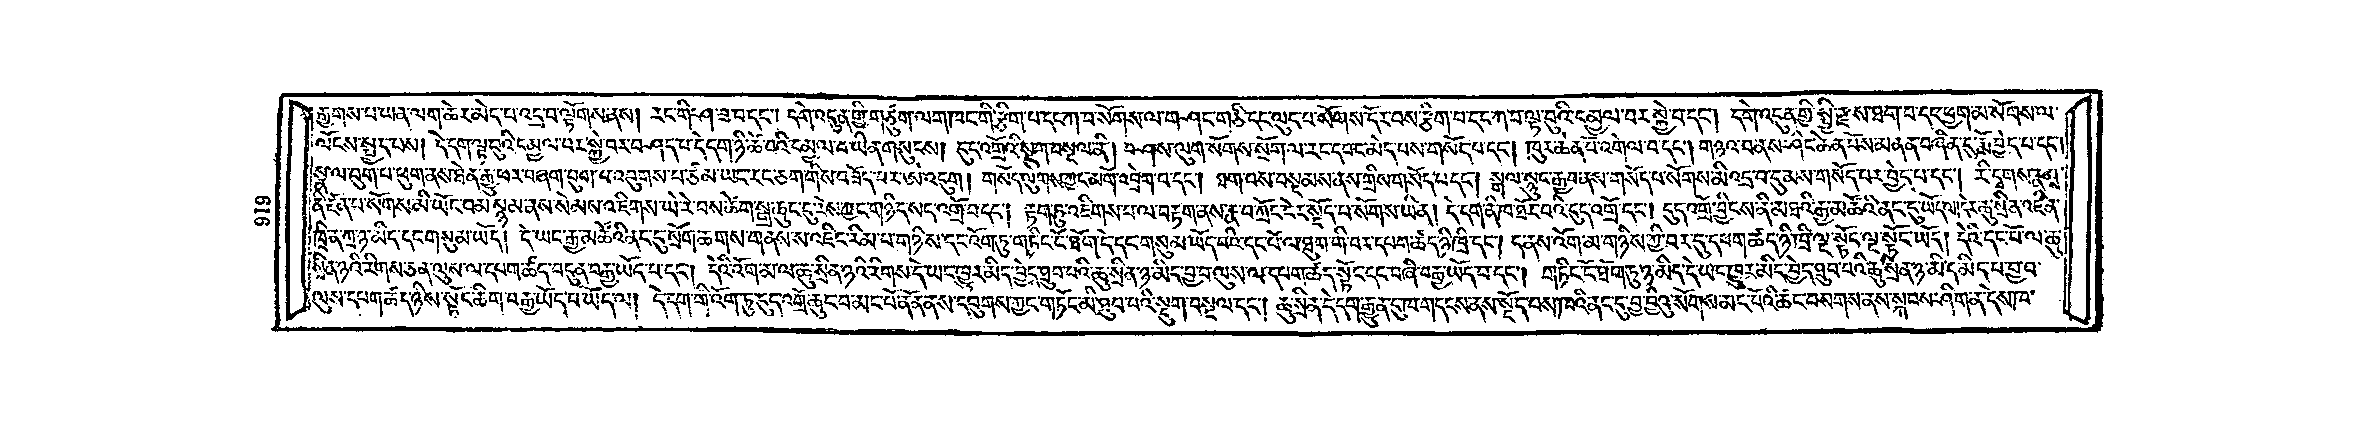རྒྱགས་པ་ཡན་ལག་ཆེར་མེད་པ་འདྲ་བ་ལྟོགས་ནས། རང་གི་ཤ་ཟ་བ་དང་། དགེ་འདུན་གྱི་གཙུག་ལག་ཁང་གི་རྩིག་པ་དང་ཀ་བ་སོགས་ལ་གཤང་གཅི་དང་ལུད་པ་སོགས་དོར་བས་རྩིག་པ་དང་ཀ་བ་ལྟ་བུའི་དམྱལ་བར་སྐྱེ་བ་དང་། དགེ་འདུན་གྱི་སྤྱི་རྫས་ཐག་པ་དང་ཕྱག་མ་སོགས་ལ་
ལོངས་སྤྱད་པས། དེ་དག་ལྟ་བུའི་དམྱལ་བར་སྐྱེ་བར་བཤད་པ་དེ་དག་ཉི་ཚེ་བའི་དམྱལ་བ་ཡིན་གསུངས། དུད་འགྲོའི་སྡུག་བསྔལ་ནི། བཤས་ལུག་སོགས་སྲོག་ལ་རང་དབང་མེད་པས་གསོད་པ་དང་། ཁུར་ཆེན་པོ་འགེལ་བ་དང་། གཉའ་བ་ནས་ཤིང་ཆེན་པོས་མནན་བཞིན་དུ་རྨོ་བྱེད་པ་དང་།
སྣ་ལ་བུག་པ་ཕུག་ནས་ཐེན་རྒྱུ་ཕར་བཞག་བུག་པ་འབུགས་པ་ཙམ་ཡང་རང་ཅག་གིས་བཟོད་པར་ཨེ་འདུག །གསོད་ལུགས་ཀྱང་མགོ་འབྲེག་པ་དང་། ཐག་པས་བསྡམས་ནས་གྲིས་གསོད་པ་དང་། སྒལ་སྙུང་རྒྱབ་ནས་གསོད་པ་སོགས་མི་འདྲ་བ་དུ་མས་གསོད་པར་བྱེད་པ་དང་། རི་དྭགས་རྣམས་
ནི་རྔོན་པ་སོགས་མི་ཡོང་བམ་སྙམ་ནས་སེམས་འཇིགས་ཡེ་རེ་བས་ཚེག་སྒྲ་ཆུང་ངུ་རེས་ཀྱང་གཉིད་སད་འགྲོ་བ་དང་། རྟག་ཏུ་འཇིགས་པ་ལ་བརྟག་ནས་རྣ་བ་ཀྲོང་ངེར་སྡོད་པ་སོགས་ཡིན། དེ་དག་ནི་ཁ་ཐོར་བའི་དུད་འགྲོ་དང་། དུད་འགྲོ་བྱིངས་ནི་མཐའི་རྒྱ་མཚོའི་ནང་དུ་ཡོད་ལ། དེར་ཆུ་སྲིན་འཛིན་
ཁྲི་ན་ཀྲ་ཉ་མིད་དང་གསུམ་ཡོད། དེ་ཡང་རྒྱ་མཚོའི་ནང་དུ་སྲོག་ཆགས་གནས་ས་འཇིང་རིམ་པ་གཉིས་དང་འོག་ཏུ་གཏིང་ངོ་ཐོག་དེ་དང་གསུམ་ཡོད་པའི་དང་པོ་ལ་ཐུག་གི་བར་དཔག་ཚད་ཉི་ཁྲི་དང་། ད་ནས་འོག་མ་གཉིས་ཀྱི་བར་དུ་དཔག་ཚད་ཉི་ཁྲི་ལྔ་སྟོང་ལྔ་སྟོང་ཡོད། དེའི་དང་པོ་ལ་ཆུ་
སྲིན་ཉའི་རིགས་ཅན་ལུས་ལ་དཔག་ཚད་བདུན་བརྒྱ་ཡོད་པ་དང་། དེའི་འོག་མ་ལ་ཆུ་སྲིན་ཉའི་རིགས་དེ་ཡང་ཁྱུར་མིད་བྱེད་ཐུབ་པའི་ཆུ་སྲིན་ཉ་མིད་བྱ་བ་ལུས་ལ་དཔག་ཚད་སྟོང་དང་བཞི་བརྒྱ་ཡོད་པ་དང་། གཏིང་ངོ་ཐོག་ཏུ་ཉ་མིད་དེ་ཡང་ཁྱུར་མིད་བྱེད་ཐུབ་པའི་ཆུ་སྲིན་ཉ་མིད་མིད་པ་བྱ་བ་
ལུས་དཔག་ཚད་ཉིས་སྟོང་ཆིག་བརྒྱ་ཡོད་པ་ཡོད་ལ། དེ་དག་གི་འོག་ཏུ་དུད་འགྲོ་ཆུང་བ་མང་པོ་ནོན་ནས་དབུགས་ཀྱང་གཏོང་མི་ཐུབ་པའི་སྡུག་བསྔལ་དང་། ཆུ་སྲིན་དེ་དག་རྒྱུན་དུ་ཁ་གདངས་ནས་སྡོད་པས་ཁའི་ནང་དུ་བྱ་བྱིའུ་སོགས་མང་པོའི་ཚང་བསགས་ནས་སྐབས་ཤིག་ན་དེས་ཁ་